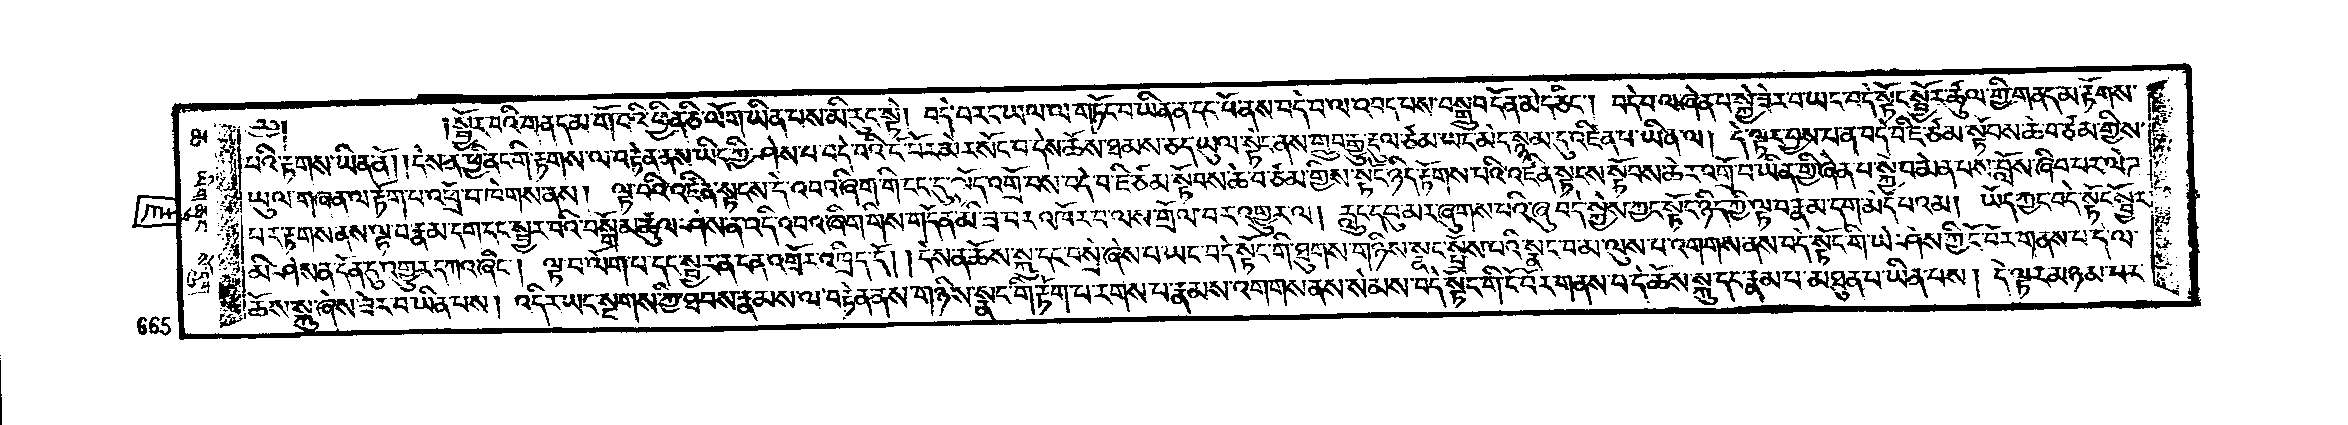༄༅། །སྦྱོར་བའི་གནད་མ་གོ་བའི་ཕྱིན་ཅི་ལོག་ཡིན་པས་མི་རུང་སྟེ། བདེ་བ་རང་ཡལ་ལ་གཏོང་བ་ཡིན་ན་དང་པོ་ནས་བདེ་བ་ལ་འབད་པས་བསྒྲུབ་དོན་མེད་ཅིང་། བདེ་བ་ལ་ཞེན་པ་སྐྱེ་ཟེར་བ་ཡང་བདེ་སྟོང་སྦྱོར་ཚུལ་གྱི་གནད་མ་རྟོགས་
པའི་རྟགས་ཡིན་ནོ། །དེས་ན་ཕྱི་ནང་གི་རྟགས་ལ་བརྟེན་ནས་ཡིད་ཀྱི་ཤེས་པ་བདེ་བའི་ངོ་བོར་མེར་སོང་བ་དེས་ཆོས་ཐམས་ཅད་ཡུལ་སྟེང་ནས་གྲུབ་རྒྱུ་རྡུལ་ཙམ་ཡང་མེད་སྙམ་དུ་འཛིན་པ་ཡིན་ལ། དེ་ལྟར་བྱས་པ་ན་བདེ་བ་ཇི་ཙམ་སྟོབས་ཆེ་བ་ཙམ་གྱིས་
ཡུལ་གཞན་ལ་རྟོག་པ་འཕྲོ་བ་ཁེགས་ནས། ལྟ་བའི་འཛིན་སྟངས་དེ་འབའ་ཞིག་གི་ངང་དུ་ལྷོད་འགྲོ་བས་བདེ་བ་ཇི་ཙམ་སྟོབས་ཆེ་བ་ཙམ་གྱིས་སྟོང་ཉིད་རྟོགས་པའི་འཛིན་སྟངས་སྟོབས་ཆེར་འགྲོ་བ་ཡིན་གྱི་ཞེན་པ་སྐྱེ་བ་མིན་པས་བློས་ཞིབ་པར་ལེགས་
པར་རྟགས་ནས་ལྟ་བ་རྣམ་དག་དང་སྦྱར་བའི་བསྒོམ་ཚུལ་ཤེས་ན་འདི་འབའ་ཞིག་གིས་གདོན་མི་ཟ་བར་འཁོར་བ་ལས་གྲོལ་བར་འགྱུར་ལ། རླུང་དབུ་མར་ཞུགས་པའི་ཞུ་བདེ་སྐྱེས་ཀྱང་སྟོང་ཉིད་ཀྱི་ལྟ་བ་རྣམ་དག་མེད་པའམ། ཡོད་ཀྱང་བདེ་སྟོང་སྦྱོར་
མི་ཤེས་ན་དོན་དུ་འགྱུར་དཀའ་ཞིང་། ལྟ་བ་ལོག་པ་དང་སྦྱར་ན་ངན་འགྲོར་འཁྲིད་དོ། །དེས་ན་ཆོས་སྐུ་དང་བསྲེ་ཞེས་པ་ཡང་བདེ་སྟོང་གི་ཐུགས་གཉིས་སྣང་སྤྲོས་པའི་སྣང་བ་མ་ལུས་པ་འགགས་ནས་བདེ་སྟོང་གི་ཡེ་ཤེས་ཀྱི་ངོ་བོར་གནས་པ་དེ་ལ་
ཆོས་སྐུ་ཞེས་ཟེར་བ་ཡིན་པས། འདིར་ཡང་སྔགས་ཀྱི་ཐབས་རྣམས་ལ་བརྟེན་ནས་གཉིས་སྣང་གི་རྟོག་པ་རགས་པ་རྣམས་འགགས་ནས་སེམས་བདེ་སྟོང་གི་ངོ་བོར་གནས་པ་དེ་ཆོས་སྐུ་དང་རྣམ་པ་མཐུན་པ་ཡིན་པས། དེ་ལྟར་མཉམ་པར་